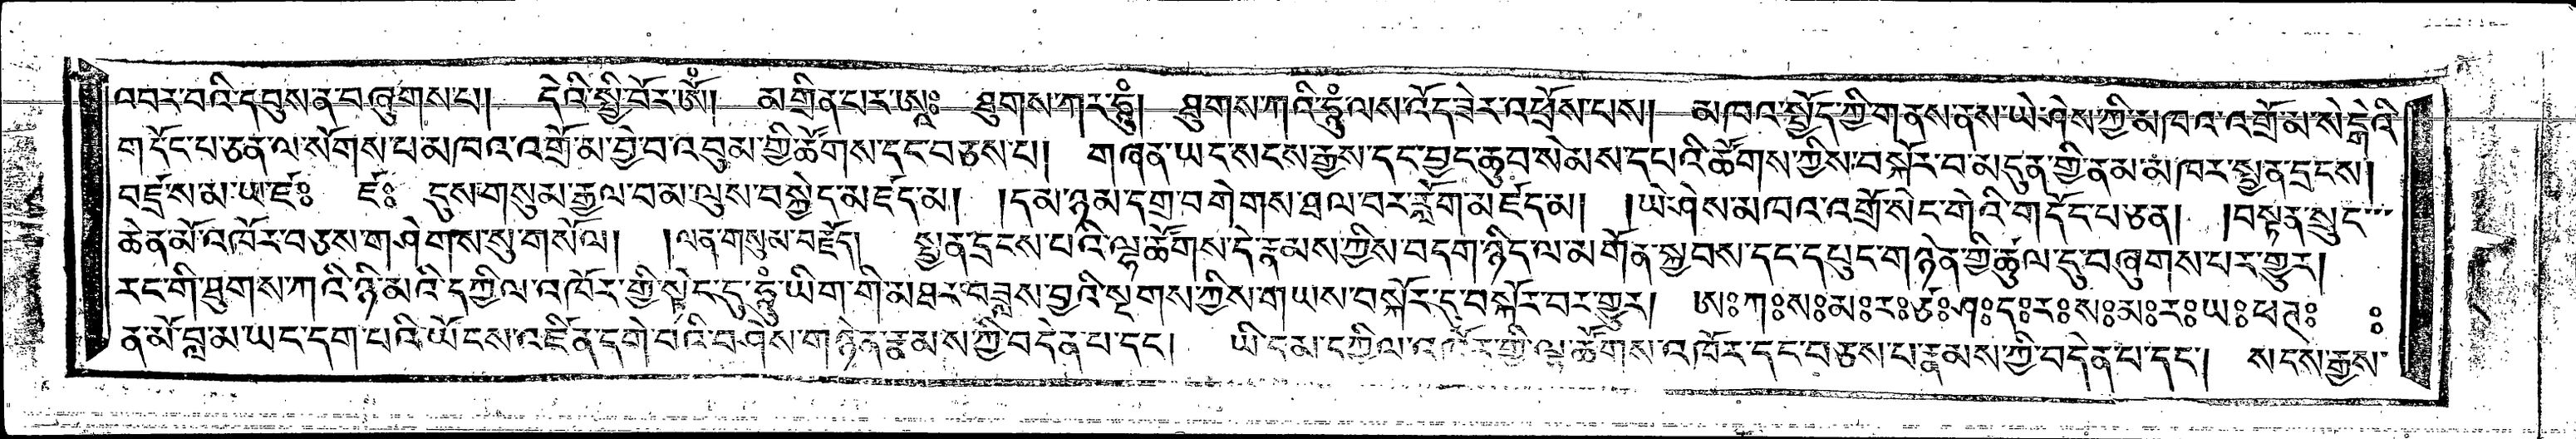འབར་བའི་དབུས་ན་བཞུགས་པ། དེའི་སྤྱི་བོར་ཨོཾ། མགྲིན་པར་ཨཱཿ ཐུགས་ཀར་ཧཱུཾ། ཐུགས་ཀའི་ཧཱུཾ་ལས་འོད་ཟེར་འཕྲོས་པས། མཁའ་སྤྱོད་ཀྱི་གནས་ནས་ཡེ་ཤེས་ཀྱི་མཁའ་འགྲོ་མ་སེངྒེའི་
གདོང་པ་ཅན་ལ་སོགས་པ་མཁའ་འགྲོ་མ་བྱེ་བ་འབུམ་གྱི་ཚོགས་དང་བཅས་པ། གཞན་ཡང་སངས་རྒྱས་དང་བྱང་ཆུབ་སེམས་དཔའི་ཚོགས་ཀྱིས་བསྐོར་བ་མདུན་གྱི་ནམ་མཁར་སྤྱན་དྲངས།
བྫྲ་ས་མ་ཡ་ཛཿ ཛཿ དུས་གསུམ་རྒྱལ་བ་མ་ལུས་བསྐྱེད་མཛད་མ། །དམ་ཉམ་དགྲ་བགེགས་ཐལ་བར་རློག་མཛད་མ། །ཡེ་ཤེས་མཁའ་འགྲོ་སེང་གེའི་གདོང་པ་ཅན། །བསྟན་སྲུང་
ཆེན་མོ་འཁོར་བཅས་གཤེགས་སུ་གསོལ། །ལན་གསུམ་བརྗོད། སྤྱན་དྲངས་པའི་ལྷ་ཚོགས་དེ་རྣམས་ཀྱིས་བདག་ཉིད་ལ་མགོན་སྐྱབས་དང་དཔུང་གཉེན་གྱི་ཚུལ་དུ་བཞུགས་པར་གྱུར།
རང་གི་ཐུགས་ཀའི་ཉི་མའི་དཀྱིལ་འཁོར་གྱི་སྟེང་དུ་ཧཱུཾ་ཡིག་གི་མཐར་བཟླས་བྱའི་སྔགས་ཀྱིས་གཡས་བསྐོར་དུ་བསྐོར་བར་གྱུར། ཨཿ ཀཿ སཿ མཿ རཿ ཙཿ ཤཿ དཿ རཿ སཿ མཿ རཿ ཡཿ ཕཊཿ H
ན་མོ་བླ་མ་ཡང་དག་པའི་ཡོངས་འཛིན་དགེ་བའི་བཤེས་གཉེན་རྣམས་ཀྱི་བདེན་པ་དང་། ཡི་དམ་དཀྱིལ་འཁོར་གྱི་ལྷ་ཚོགས་འཁོར་དང་བཅས་པ་རྣམས་ཀྱི་བདེན་པ་དང་། སངས་རྒྱས་